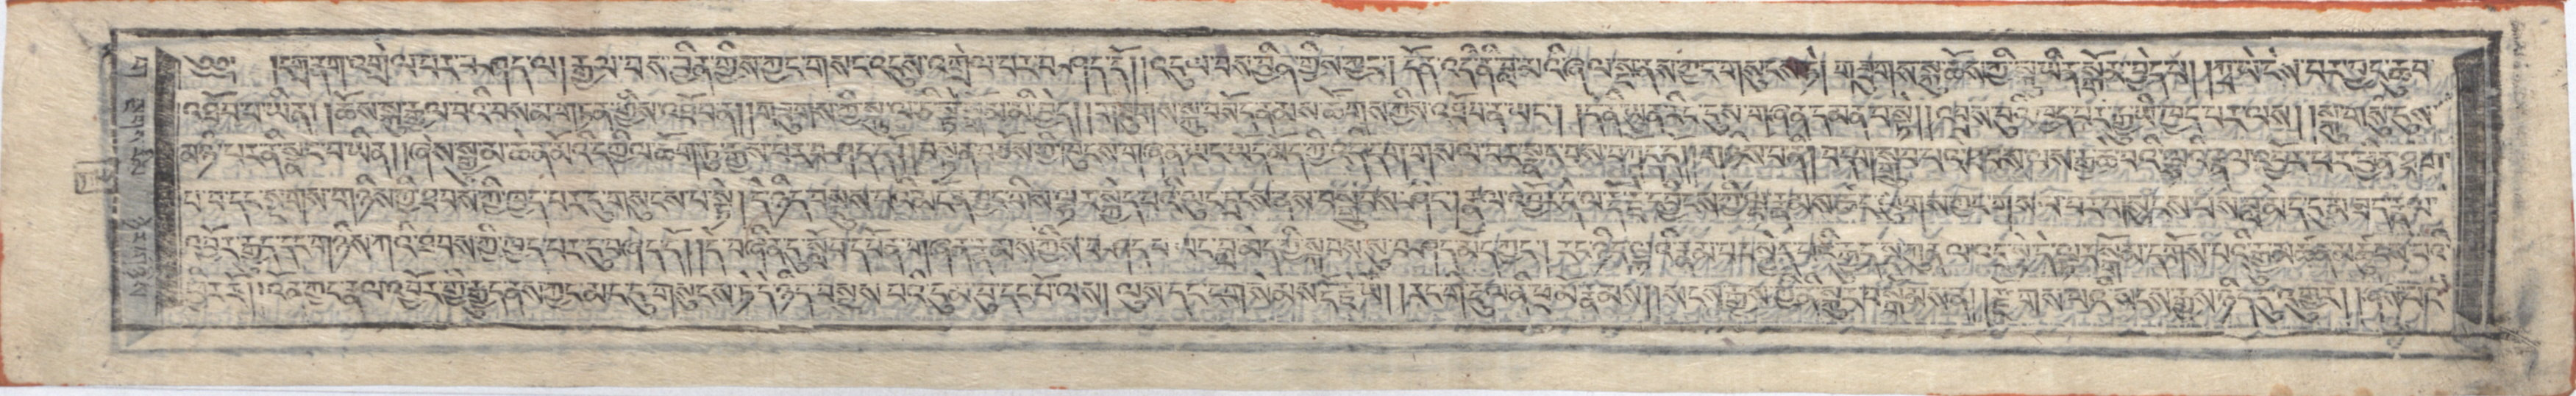༄༅། །དགྲ་ནག་འགྲེལ་པར་བཤད་ལ། རྒྱལ་བས་བྱིན་གྱིས་ཀྱང་གསང་འདུས་འགྲེལ་པར་བཤད་དོ། །འདུལ་བས་བྱིན་གྱིས་ཀྱང་། དོན་འདི་ནི་བླ་མའི་ཞལ་སྔ་ནས་ཀྱང་གསུངས་ཏེ། གཟུགས་སྐུ་ཆོས་ཀྱི་སྐུ་ཡིན་སྒོམ་བྱེད་པ། །ཀྭ་ཡེ་ངེས་པར་བྱང་ཆུབ་
འཐོབ་པ་ཡིན། །ཆོས་སྐུ་རྒྱལ་བའི་བསམ་གཏན་གྱིས་འཐོབ་ན། །གཟུགས་ཀྱི་སྐུ་ལ་ཅི་སྟེ་སྒོམ་མི་བྱེད། །གཟུགས་སྐུ་བསོད་ནམས་ཚོགས་ཀྱིས་འཐོབ་ན་ཡང་། །དེ་ནི་ཡུན་རིང་དུས་གཞན་དམན་པ་སྟེ། །འབྲས་བུའི་ཁྱད་པར་རྒྱུ་ཡི་ཁྱད་པར་ལས། །སྐུ་གསུམ་དུས་
མཉམ་པར་ནི་སྣང་བ་ཡིན། །ཞེས་སྒྱུ་མ་ཆེན་མོའི་དཀྱིལ་ཆོག་ཏུ་རྒྱས་པར་བཤད་དོ། །བསྟན་བཅོས་ཀྱི་ཁུངས་གཞན་ཡང་ཡོད་མོད་ཀྱི་འདི་དག་གསལ་བར་སྣང་བས་བཀོད་དོ། །གཉིས་པ་ནི། བདག་སྒྲུབ་པའི་ཐབས་ལས་རྒྱ་ཆེ་བའི་ལྷའི་རྣལ་འབྱོར་ཕར་ཕྱིན་ཐེག་
པ་བ་དང་སྔགས་གཉིས་ཀྱི་ཐབས་ཀྱི་ཁྱད་པར་དུ་གསུངས་པ་སྟེ། དེ་ཉིད་བསྡུས་པའི་མངོན་བྱང་གིས་ལྷར་སྐྱེད་པའི་ལུང་དྲངས་ནས་བསྒྲུབས་ཤིང་། རྣལ་འབྱོར་དེ་ལ་རྡོ་རྗེ་དབྱིངས་ཀྱི་ལྷ་རྣམས་ཚང་ལུགས་ཀྱང་གསལ་བར་གསུངས་པས་བླ་མེད་དུ་མ་ཟད་རྣལ་
འབྱོར་རྒྱུད་དང་གཉིས་ཀའི་ཐབས་ཀྱི་ཁྱད་པར་དུ་བཞེད་དོ། །དེ་བཞིན་དུ་སློབ་དཔོན་གཞན་རྣམས་ཀྱིས་བཤད་པ་ཡང་བླ་མེད་ཀྱི་སྐབས་སུ་བཤད་མོད་ཀྱང་། རང་ཉིད་ལྷའི་རྣམ་པར་སྐྱེད་པའི་རྒྱུད་སྔ་ཀུན་ལ་འདྲ་སྟེ་དེ་ལྟར་སྒོམ་དགོས་པའི་རྒྱུ་མཚན་མཚུངས་པའི་
ཕྱིར་རོ། །འོན་ཀྱང་རྣལ་འབྱོར་གྱི་རྒྱུད་ནས་ཀྱང་མང་དུ་གསུངས་ཏེ་དེ་ཉིད་བསྡུས་པའི་དུམ་བུ་དང་པོ་ལས། ལུས་དང་ངག་སེམས་རྡོ་རྗེ་ཡི། །རང་གི་རྡུལ་ནི་ཕྲ་མོ་རྣམས། །སངས་རྒྱས་ཀྱི་ནི་སྐུར་བསྒོམས་ན། །རྫོགས་པའི་སངས་རྒྱས་ཉིད་དུ་འགྱུར། །ཞེས་པའི་